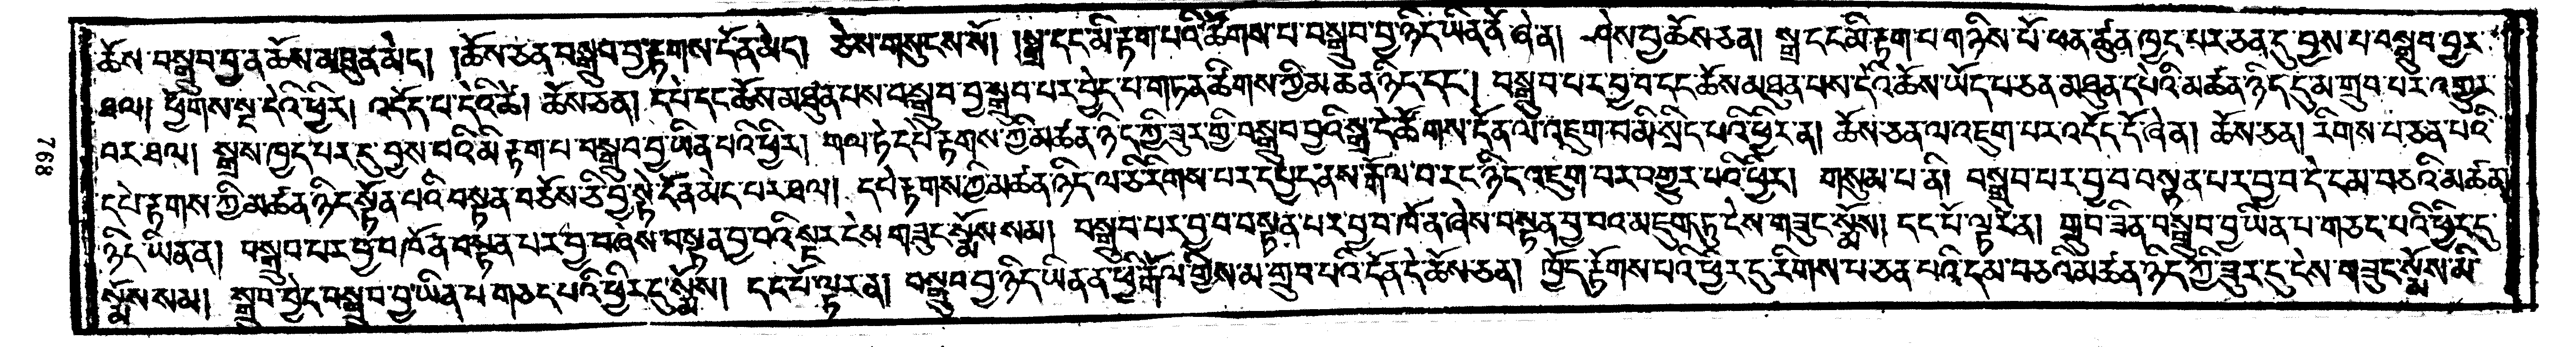ཆོས་བསྒྲུབ་བྱ་ན་ཆོས་མཐུན་མེད། །ཆོས་ཅན་བསྒྲུབ་བྱ་རྟགས་དོན་མེད། ཅེས་གསུངས་སོ། །སྒྲ་དང་མི་རྟག་པའི་ཚོགས་བ་བསྒྲུབ་བྱ་ཉིད་ཡིན་ནོ་ཞེ་ན། ཤེས་བྱ་ཆོས་ཅན། སྒྲ་དང་མི་རྟག་པ་གཉིས་པོ་ཕན་ཚུན་ཁྱད་པར་ཅན་དུ་བྱས་པ་བསྒྲུབ་བྱར་
ཐལ། ཕྱོགས་སྔ་དེའི་ཕྱིར། འདོད་པ་དེའི་ཚེ། ཆོས་ཅན། དཔེ་དང་ཆོས་མཐུན་པས་བསྒྲུབ་བྱ་སྒྲུབ་པར་བྱེད་པ་གཏན་ཚིགས་ཀྱི་མཚན་ཉིད་དང་། བསྒྲུབ་པར་བྱ་བ་དང་ཆོས་མཐུན་པས་དེའི་ཆོས་ཡོད་པ་ཅན་མཐུན་དཔེའི་མཚན་ཉིད་དུ་མ་གྲུབ་པར་འགྱུར་
བར་ཐལ། སྒྲས་ཁྱད་པར་དུ་བྱས་པའི་མི་རྟག་པ་བསྒྲུབ་བྱ་ཡིན་པའི་ཕྱིར། གལ་ཏེ་དཔེ་རྟགས་ཀྱི་མཚན་ཉིད་ཀྱི་ཟུར་གྱི་བསྒྲུབ་བྱའི་སྒྲ་དེ་ཚོགས་དོན་ལ་འཇུག་པ་མི་སྲིད་པའི་ཕྱིར་ན། ཆོས་ཅན་ལ་འཇུག་པར་འདོད་དོ་ཞེ་ན། ཆོས་ཅན། རིགས་པ་ཅན་པའི་
དཔེ་རྟགས་ཀྱི་མཚན་ཉིད་སྟོན་པའི་བསྟན་བཅོས་ཅི་བྱ་སྟེ་དོན་མེད་པར་ཐལ། དཔེ་རྟགས་ཀྱི་མཚན་ཉིད་ལ་ཅི་རིགས་པར་དབྱད་ནས་རྒོལ་བ་རང་ཉིད་འཇུག་པར་འགྱུར་བའི་ཕྱིར། གསུམ་པ་ནི། བསྒྲུབ་པར་བྱ་བ་བསྟན་པར་བྱ་བ་དེ་དམ་བཅའི་མཚན་
ཉིད་ཡིན་ན། བསྒྲུབ་པར་བྱ་བ་ཁོ་ན་བསྟན་པར་བྱ་བ་ཞེས་བསྟན་བྱ་བའི་སྔར་ངེས་གཟུང་སྨོས་སམ། བསྒྲུབ་པར་བྱ་བ་བསྟན་པར་བྱ་བ་ཁོ་ན་ཞེས་བསྟན་བྱ་བའི་མཇུག་ཏུ་ངེས་གཟུང་སྨོས། དང་པོ་ལྟར་ན། གྲུབ་ཟིན་བསྒྲུབ་བྱ་ཡིན་པ་གཅང་བའི་ཕྱིར་དུ་
སྨོས་སམ། སྒྲུབ་བྱེད་བསྒྲུབ་བྱ་ཡིན་པ་གཅད་པའི་ཕྱིར་དུ་སྨོས། དང་པོ་ལྟར་ན། བསྒྲུབ་བྱ་ཉིད་ཡིན་ན་ཕྱི་རྒོལ་གྱིས་མ་གྲུབ་པའི་དོན་དེ་ཆོས་ཅན། ཁྱོད་རྟོགས་པའི་ཕྱིར་དུ་རིགས་པ་ཅན་པའི་དམ་བཅའི་མཚན་ཉིད་ཀྱི་ཟུར་དུ་ངེས་གཟུང་སྨོས་མི་